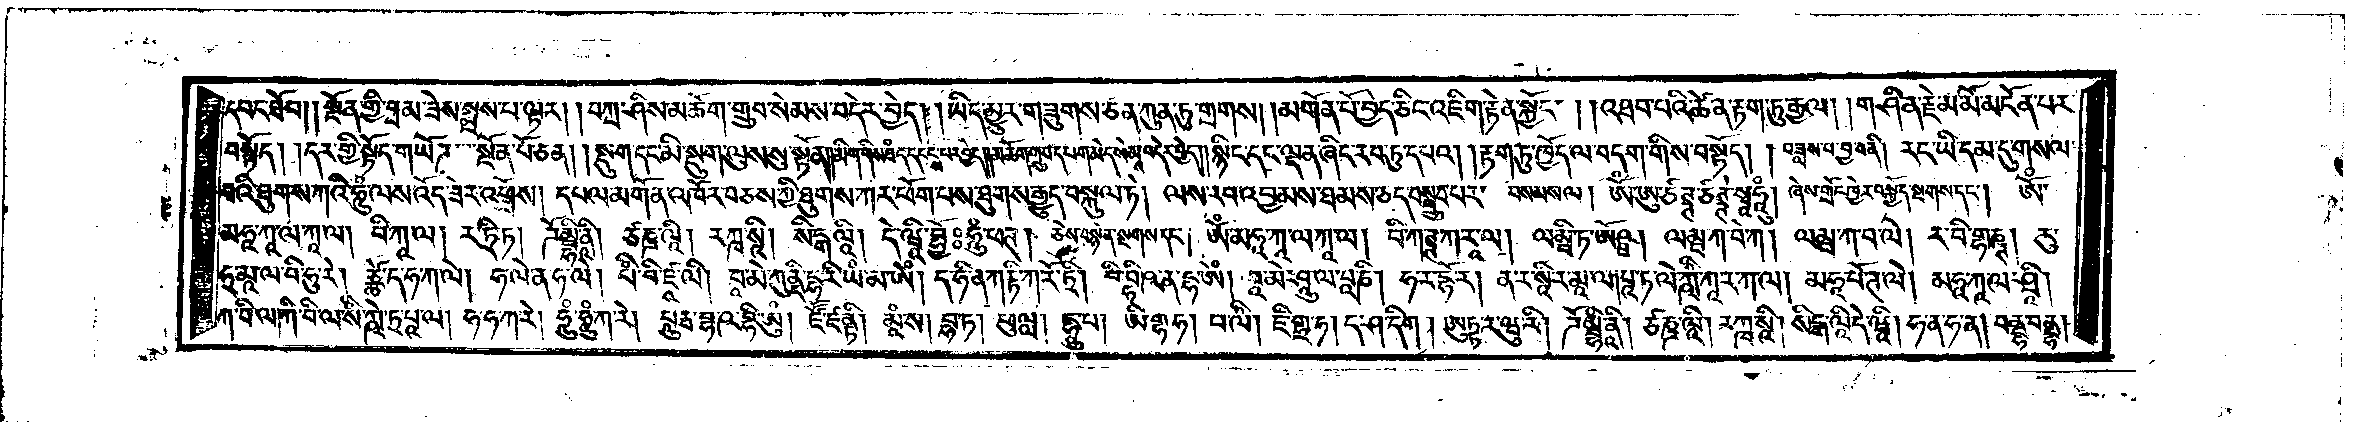དབང་ཐོབ། །སྔོན་གྱི་བྲམ་ཞེས་སྨྲས་པ་ལྟར། །བཀྲ་ཤིས་མཆོག་གྲུབ་སེམས་བདེར་བྱེད། །ཡིད་མྱུར་གཟུགས་ཅན་ཀུན་ཏུ་གྲགས། །མགོན་པོ་བྱེད་ཅིང་འཇིག་རྟེན་སྐྱོང་། །འཐབ་པའི་ཚེ་ན་རྟག་ཏུ་རྒྱལ། །གཤིན་རྗེ་མ་མོ་མངོན་པར་
བསྟོད། །དར་གྱི་སྟོད་གཡོཌ་སྔོན་པོ་ཅན། །སྡུག་དང་མི་སྡུག་ལུས་སུ་སྟོན། །མིག་གིས་ཐཾད་དང་ངས་པར་བྱེད། །མཆོག་གྲུབ་དཔག་མེད་སེམས་བདེར་བྱེད། །སྙིང་དང་ལྡན་ཞིང་རབ་ཏུ་དཔའ། །རྟག་ཏུ་ཁྱོད་ལ་བདག་གིས་བསྟོད། །བཟླས་པ་བྱ་བ་ནི། རང་ཡི་དམ་དུ་གསལ་
བའི་ཐུགས་ཀའི་ཧཱུཾ་ལས་འོད་ཟེར་འཕྲོས། དཔལ་མགོན་འཁོར་བཅས་ཀྱི་ཐུགས་ཀར་ཕོག་པས་ཐུགས་རྒྱུད་བསྐུལ་ཏེ། ལས་རབ་འབྱམས་ཐམས་ཅད་བསྒྲུབ་པར་བསམས་ལ། ཨོཾ་ཨུ་ཙཊྚ་ཙཊྚ་སྭཱཧཱ། ཞེས་གྲོང་ཁྱེར་བསྐྱོད་སྤགས་དང་། ཨོཾ་
མཧཱ་ཀཱ་ལ་ཀཱ་ལ། བི་ཀཱ་ལ། ར་ཏྲི་ཏ། ཌོམྦྷི་ནཱི། ཙནྜ་ལཱི། རཀྵ་སཱི། སིངྒ་ལཱི། དེ་ཝཱི་བྷྱོཿ ཧཱུཾ་ཕཊ། ཅེས་བསྙེན་སྔགས་དང་།  ཨོཾ་མཧཱ་ཀཱ་ལ་ཀཱ་ལ། བི་ཀཊྚ་ཀ་རཱ་ལ། ལམྦི་ཏ་ཨོཥཊཿཨ། ལམྦ་ཀ་བེ་ཀ། ལམྦ་ཀ་བ་ལེ། ར་བིགྷྞྜ། རུ་
ཏྲ་མ་ལ་བི་ཧུ་རེ། ཙྪེ་ད་ཀ་ལེ། ཧ་ལེ་ན་ཧ་ལེ། བིཾ་བི་ཛཱ་ལི། བཱ་མེ་ཀུ་ནི་དྷ་རི་ཡཾ་མ་ཨེཾ། ད་ཧི་ན་ཀརྟི་ཀ་རོ་ཏྲི། པི་པིཧ་ཥ་ན་དྷ་ཨེཾ། བཱ་མེ་ཤཱུ་ལ་པཱ་ཎི། ཧ་ར་དྷོར། ན་ར་སཱི་ར་མཱ་ལ། པཱ་ཏ་ལེ་ཀྵིཾ་ཀཱ་ར་ཀ་ལ། མཧཱ་པོ་ཊ་ལེ། མཧཱ་ཀཱ་ལ་ཤྲཱི།
ཀ་པི་ལ་ཀི་བ་སིཾ་ཀྵེ་ཏྲ་པཱ་ལ། ཧ་ཧ་ཀ་རེ། ཧཱུཾ་ཧཱུཾ་ཀ་རེ། པཱུ་རྦ་བྷ་ཥ་བྷི་ཨུཾ། ཛཽ་ཛནྟི། མཱཾ་ས། བྷ་ཏ། ཕུལླ། དྷཱུ་པ། ཨི་གྷ་ཧ་བ་ལིཾ། ཛི་གྷྲ་ཧ། ད་ཤ་དིཀ། ཨུཊྚ་ར་ཝཱུ་རི། ཌོམྦྷི་ནཱི། ཙཎྜ་ལཱི། རཀྵ་སཱི། སིངྒ་ལཱུ་དེ་ཝཱི། ཧ་ན་ཧ་ན། བནཌཿཨ་བནྜྷ།